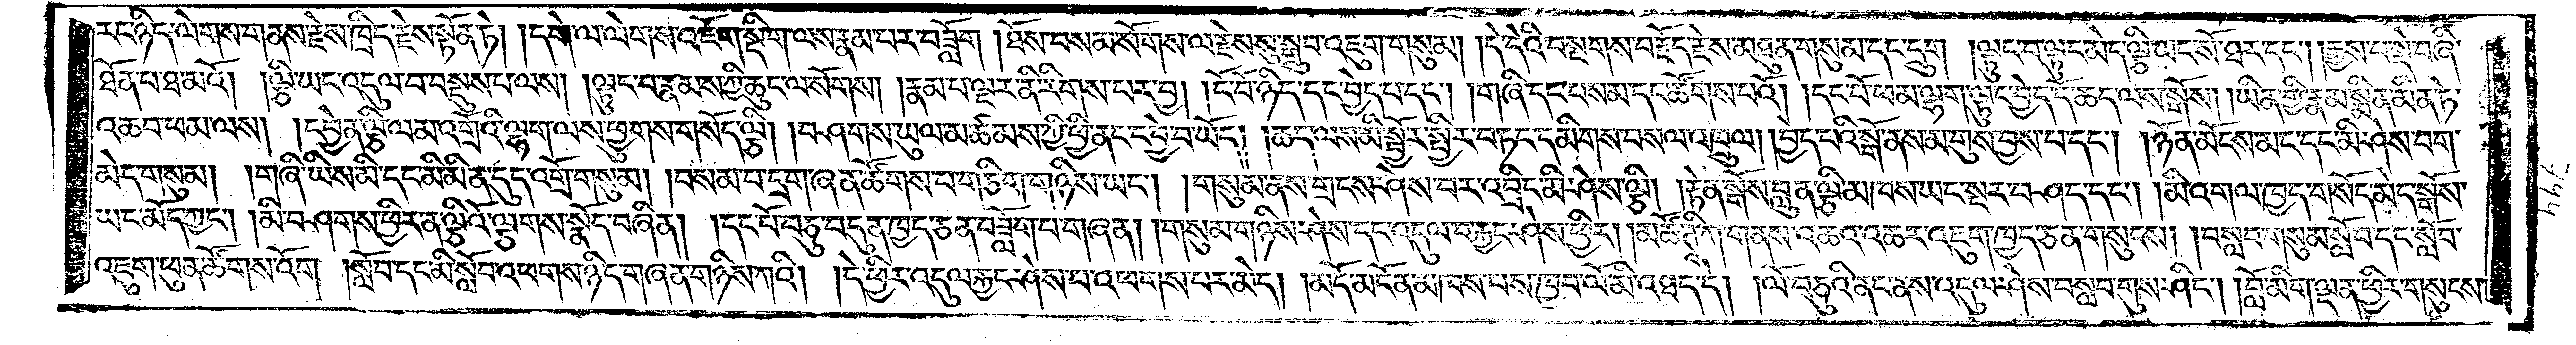རང་ཉིད་ལེགས་གནས་རྗེས་ཁྲིད་རྗེས་སྟོན་ཏེ། །དགེ་ལ་ལེགས་འཇོག་སྡིག་ལས་རྣམ་པར་བཟློག །ཐོས་བསམ་སོགས་ལ་རྗེས་སུ་སྒྲུབ་འཇུག་གསུམ། །དེ་དེའི་བསྔགས་བརྗོད་རྗེས་མཐུན་གསུམ་དང་དྲུག །ལྟུང་བ་ལྟུང་མེད་ལྕི་ཡང་སོ་ཐར་དང་། །རྒྱས་པ་སྡེ་བཞི་
ཐོན་པ་ཐ་མའོ། །ལྕི་ཡང་འདུལ་བ་བསྡུས་པ་ལས། །ལྟུང་བ་རྣམས་ཀྱི་ཆུང་ལ་སོགས། །རྣམ་པ་ལྔར་ནི་རིགས་པར་བྱ། །ངོ་བོ་ཉིད་དང་བྱེད་པ་དང་། །གཞི་དང་བསམ་དང་ཚོགས་བའོ། །དང་པོ་ཕ་མ་ལྷག་ལྟུང་བྱེད་དོ་ཆད་ལས་སྒོས། །ཡིན་གྱི་རྣམ་སྨིན་མིན་ཏེ་
འཆབ་ཕམ་ལས། །དབྱེན་ལྕི་ལམ་འགྲོའི་ལྷག་ལས་ཕྱུགས་གསོད་ལྕི། །བཤགས་ཡུལ་མཚམས་ཀྱི་ཕྱི་ནང་དབྱེ་བ་ཡོད། །ཆད་ལས་མི་སྦྱོར་སྤྱིར་བཏང་དམིགས་བསལ་འཁྲུལ། །བྱེད་པའི་སྒོ་ནས་མགུས་བྱས་པ་དང་། །ཉོན་མོངས་མང་དང་མི་ཤེས་བག་
མེད་གསུམ། །གཞི་ཡིས་མི་དང་མི་མིན་དུད་འགྲོ་གསུམ། །བསམ་པ་དྲག་ཞན་ཚོགས་པ་གཅིག་གཉིས་ཡང་། །གསུམ་ནས་གྲངས་ཤེས་བར་འབྲིང་མི་ཤེས་ལྕི། །རྟེན་སྒོས་བླུན་ལྕི་མཁས་ཡང་སྔར་བཤད་དང་། །མི་འགལ་ཁྱད་གསོད་མེད་སྒོས་
ཡང་མོད་ཀྱང་། །མི་བཤགས་ཕྱིར་ན་ལྕིའོ་ལྕགས་སྣོད་བཞིན། །དང་པོ་བཅུ་བདུན་ཁྱད་ཅན་བཟློག་པ་གཞན། །གསུམ་གཉིས་ཤེས་དང་འདུལ་བརྐྱང་ཤེས་ཕྱིར། །མཚོ་ཊཱིཀ་གནས་འཆའ་འཆར་འཇུག་ཁྱད་ཅན་གསུངས། །བསླབ་གསུམ་སློབ་དང་སློབ་
འཇུག་ཕུན་ཚོགས་འོག །སློབ་དང་མི་སློབ་འཕགས་ཉིད་གཞན་གཉིས་ཀའི། །དེ་ཕྱིར་འདུལ་རྐྱང་ཤེས་པ་འཕགས་པར་མེད། །མདོ་མངོན་མཁས་པས་ཁྱབ་ལོ་མི་འཐད་དེ། །ལོ་བཅུའི་ནང་ནས་འདུལ་ཤེས་བསླབ་གུས་ཤིང་། །བློ་མིག་ལྡན་ཕྱིར་གསུངས་